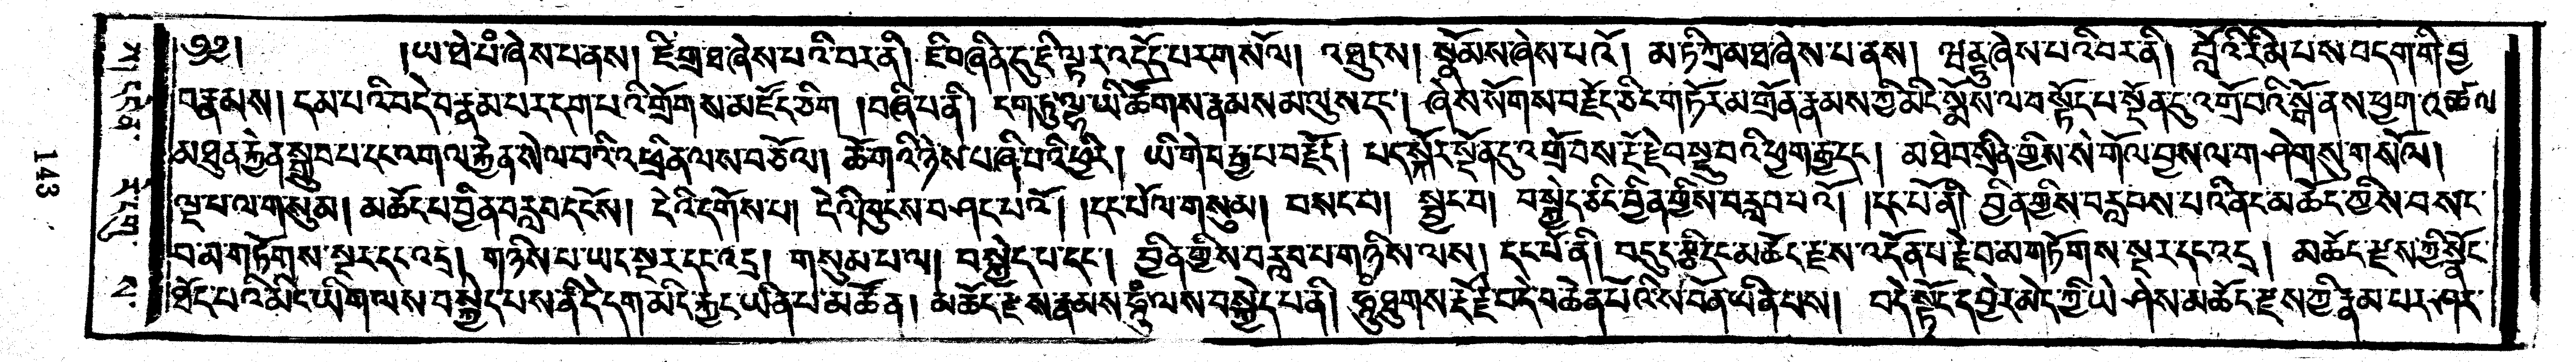༄༅། །ཡ་ཐེ་པཾ་ཞེས་པ་ནས། ཇི་གྲ་ཐ་ཞེས་པའི་བར་ནི། ཇི་བཞིན་དུ་ཇི་ལྟར་འདོད་པར་གསོལ། འཐུངས། སྣོམས་ཞེས་པའོ། མ་ཏི་ཀྲ་མ་ཐ་ཞེས་པ་ནས། ཝནྟུ་ཞེས་པའི་བར་ནི། བློའི་རིམ་པས་བདག་གི་བྱ་
བ་རྣམས། དམ་པའི་བདེ་བ་རྣམ་པར་དག་པའི་གྲོགས་མཛོད་ཅིག །བཞི་པ་ནི། ངག་ཏུ་ལྷ་ཡི་ཚོགས་རྣམས་མ་ལུས་དང་། ཞེས་སོགས་བརྗོད་ཅིང་གཏོར་མ་གྲོན་རྣམས་ཀྱི་མིང་སྨོས་ལ་བསྟོད་པ་སྔོན་དུ་འགྲོ་བའི་སྒོ་ནས་ཕྱག་འཚལ་
མཐུན་རྐྱེན་སྒྲུབ་པ་དང་འགལ་རྐྱེན་སེལ་བའི་འཕྲིན་ལས་བཅོལ། ཆོ་གའི་ཉེས་པ་ཞི་པའི་ཕྱིར། ཡི་གེ་བརྒྱ་པ་བརྗོད། པད་སྐོར་སྔོན་དུ་འགྲོ་བས་རྡོ་རྗེ་བསྡུ་བའི་ཕྱག་རྒྱ་དང་། མཐེབ་སྲིན་གྱིས་སེ་གོལ་བྱས་ལ་གཤེགས་སུ་གསོལ།
ལྔ་པ་ལ་གསུམ། མཆོད་པ་བྱིན་བརླབ་དངོས། དེའི་དགོས་པ། དེའི་ཁུངས་བཤད་པའོ། །དང་པོ་ལ་གསུམ། བསང་བ། སྦྱང་བ། བསྐྱེད་ཅིང་བྱིན་གྱིས་བརླབ་པའོ། །དང་པོ་ནི། བྱིན་གྱིས་བརླབས་པའི་ནང་མཆོད་ཀྱིས་བསང་
བ་མ་གཏོགས་སྔར་དང་འདྲ། གཉིས་པ་ཡང་སྔར་དང་འདྲ། གསུམ་པ་ལ། བསྐྱེད་པ་དང་། བྱིན་གྱིས་བརླབ་པ་གཉིས་ལས། དང་པོ་ནི། བདུད་རྩི་དང་མཆོད་རྗ་ས་འདོན་པ་རྗེ་བ་མ་གཏོགས་སྔར་དང་འདྲ། མཆོད་རྫས་ཀྱི་སྣོང་
ཐོང་པའི་མིང་ཡིག་ལས་བསྐྱེད་པས་ནི་དེ་དག་མིང་རྐྱང་ཡིན་པ་མཚོན། མཆོད་རྫས་རྣམས་ཧཱུཾ་ལས་བསྐྱེད་པ་ནི། ཧཱུཾ་ཐུགས་རྡོ་རྗེ་བདེ་བ་ཆེན་པོའི་ས་བོན་ཡིན་པས། བདེ་སྟོང་དབྱེར་མེད་ཀྱི་ཡེ་ཤེས་མཆོད་རྫས་ཀྱི་རྣམ་པར་ཤར་